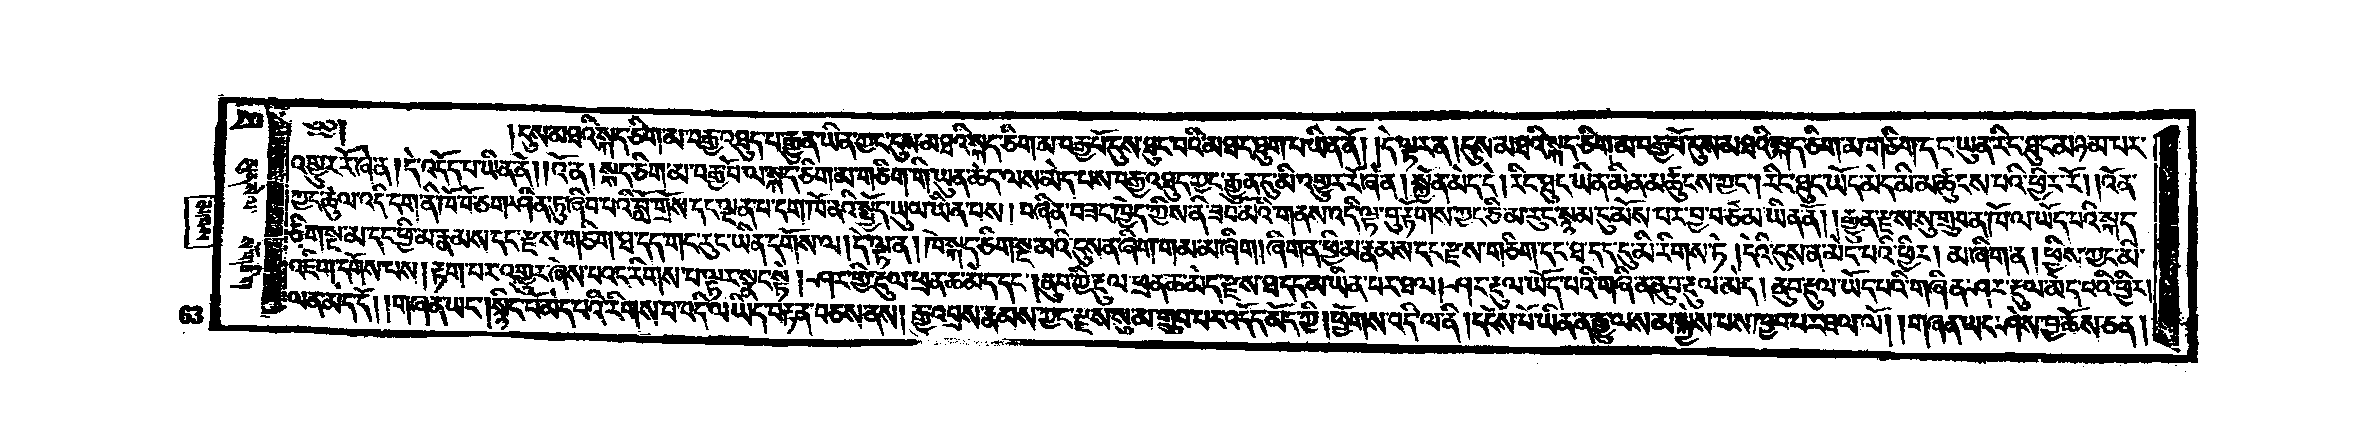༄༅། །དུས་མཐའི་སྐད་ཅིག་མ་བརྒྱ་འཐུད་པ་རྒྱུན་ཡིན་ཀྱང་དུས་མཐའི་སྐད་ཅིག་མ་བརྒྱ་པོ་དུས་ཐུང་བའི་མཐར་ཐུག་པ་ཡིན་ནོ། །དེ་ལྟར་ན། དུས་མཐའི་སྐད་ཅིག་མ་བརྒྱ་པོ་དུས་མཐའི་སྐད་ཅིག་མ་གཅིག་དང་ཡུན་རིང་ཐུང་མཉམ་པར་
འགྱུར་རོ་ཞེ་ན། དེ་འདོད་པ་ཡིན་ནོ། །འོ་ན། སྐད་ཅིག་མ་བརྒྱ་པོ་ལ་སྐད་ཅིག་མ་གཅིག་གི་ཡུན་ཆེད་ལས་མེད་པས་བརྒྱ་འཐུད་ཀྱང་རྒྱུན་དུ་མི་འགྱུར་རོ་ཞེ་ན། སྐྱོན་མེད་དེ། རིང་ཐུང་ཡིན་མིན་མཚུངས་ཀྱང་། རིང་ཐུང་ཡོད་མེད་མི་མཚུངས་པའི་ཕྱིར་རོ། །འོན་
ཀྱང་ཚུལ་འདི་དག་ནི་ཁོ་བོ་ཅག་ཤིན་ཏུ་ཞིབ་པའི་བློ་གྲོས་དང་ལྡན་པ་དག་ཁོ་ནའི་སྤྱོད་ཡུལ་ཡིན་པས། བཞིན་བཟང་ཁྱེད་ཀྱིས་ནི་ཟབ་མོའི་གནས་འདི་ལྟ་བུ་རྟོགས་ཀྱང་ཅི་མ་རུང་སྙམ་དུ་མོས་པར་བྱ་བ་ཙམ་ཡིན་ནོ། །རྒྱུན་རྫས་སུ་གྲུབ་ན་ཁོ་ལ་ཡོད་པའི་སྐད་
ཅིག་སྔ་མ་དང་ཕྱི་མ་རྣམས་དང་རྫས་གཅིག་ཐ་དད་གང་རུང་ཡིན་དགོས་ལ། དེ་ལྟ་ན། ཁོ་སྐད་ཅིག་སྔ་མའི་དུས་ན་ཞིག་གམ་མ་ཞིག །ཞིག་ན་ཕྱི་མ་རྣམས་དང་རྫས་གཅིག་དང་ཐ་དད་དུ་མི་རིགས་ཏེ། དེའི་དུས་ན་མེད་པའི་ཕྱིར། མ་ཞིག་ན། ཕྱིས་ཀྱང་མི་
འཇིག་དགོས་པས། རྟག་པར་འགྱུར་ཞེས་པའང་རིགས་པ་ལྟར་སྣང་སྟེ། ཤར་གྱི་རྡུལ་ཕྲན་ཆ་མེད་དང་།ནུབ་ཀྱི་རྡུལ་ཕྲན་ཆ་མེད་རྫས་ཐ་དད་མ་ཡིན་པར་ཐལ། ཤར་རྡུལ་ཡོད་པའི་གཞི་ན་ནུབ་རྡུལ་མེད། ནུབ་རྡུལ་ཡོད་པའི་གཞིན་ཤར་རྡུལ་མེད་པའི་ཕྱིར།
ལན་མེད་དོ། །གཞན་ཡང་། སྙིང་པོ་མེད་པའི་རིགས་པ་འདི་ལ་ཡིད་བརྟན་བཅས་ནས། རྒྱུ་འབྲས་རྣམས་ཀྱང་རྫས་སུ་མ་གྲུབ་པར་འདོད་མེད་ཀྱི། ཕྱོགས་འདི་ལ་ནི། དངོས་པོ་ཡིན་ན་རྒྱུ་ལས་མ་སྐྱེས་པས་ཁྱབ་པར་ཐལ་ལོ། །གཞན་ཡང་ཤེས་བྱ་ཆོས་ཅན།